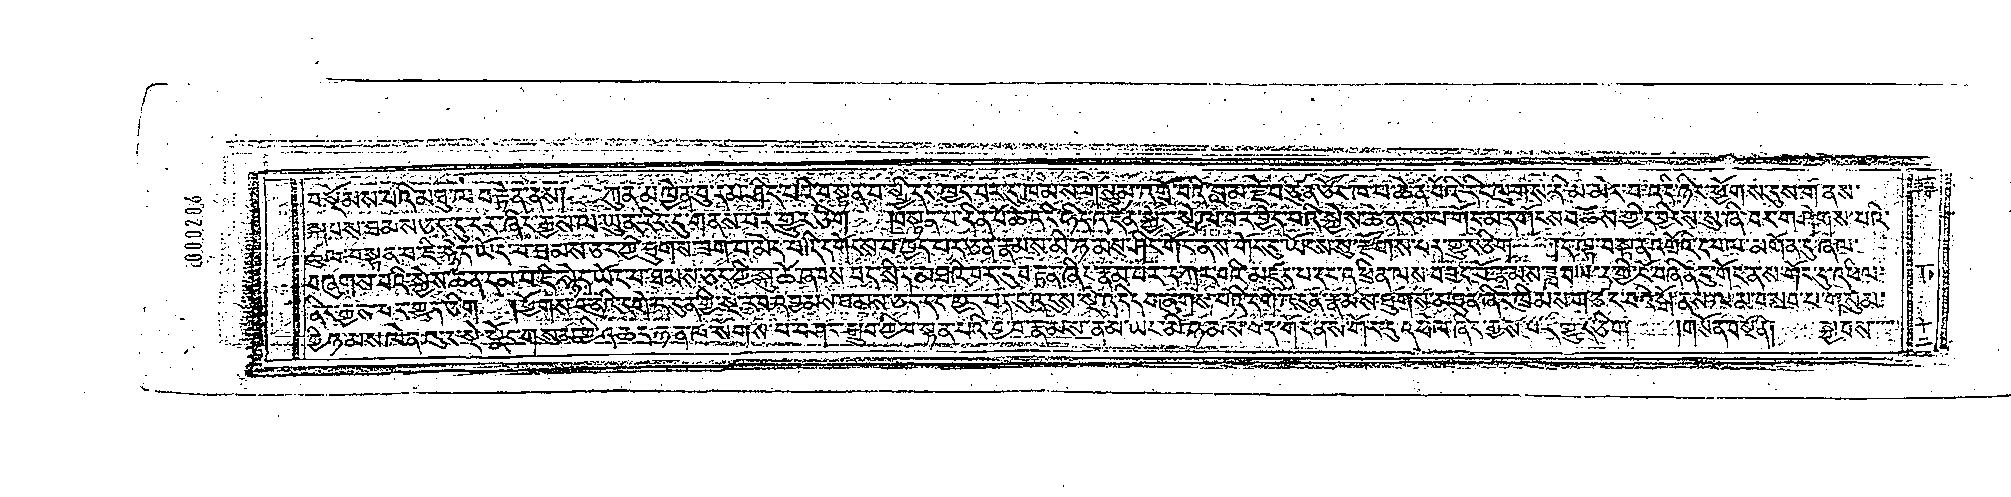བསྡོམས་པའི་མཐུ་ལ་བརྟེན་ནས། ཀུན་མཁྱེན་བུ་རམ་ཤིང་པའི་བསྟན་པ་སྤྱི་དང་ཁྱད་པར་དུ་ཁམས་གསུམ་འགྲོ་བའི་བླ་མ་རྗེ་བཙུན་ཙོང་ཁ་པ་ཆེན་པོའི་རིང་ལུགས་དྲི་མ་མེད་བ་འདི་ཉིད་ཕྱོགས་དུས་གནས་
སྐབས་ཐམས་ཅད་དུ་དར་ཞིང་རྒྱས་ལ་ཡུན་རིང་དུ་གནས་པར་གྱུར་ཅིག །བསྟན་པ་རིན་པོ་ཆེ་འདི་ཉིད་འཛིན་སྐྱོད་སྤེལ་བར་བྱེད་པའི་སྐྱེས་ཆེན་དམ་པ་གོང་མ་དགོངས་བ་ཆོས་ཀྱི་དབྱིངས་སུ་ཞི་བར་གཤེགས་པའི་
ཚུལ་བསྟན་པ་ཇི་སྙེད་ཡོད་པ་ཐམས་ཅད་ཀྱི་ཐུགས་ཟག་པ་མེད་པའི་དགོངས་པ་ཁྱད་པར་ཅན་རྣམས་མི་ཉམས་ཤིང་གོང་ནས་གོང་དུ་ཡོངས་སུ་རྫོགས་པར་གྱུར་ཅིག །ད་ལྟ་བསྟན་འགྲོའི་དཔལ་མགོན་དུ་ཞལ་
བཞུགས་པའི་སྐྱེས་ཆེན་དམ་པ་ཇི་སྙེད་ཡོང་པ་ཐམས་ཅད་ཀྱི་སྐུ་ཚེ་ཞབས་པད་སྲིད་མཐའི་བར་དུ་བརྟན་ཞིང་རྣམ་པར་དཀར་བའི་མཛད་པ་དང་འཕྲིན་ལས་བཟང་པོ་རྣམས་ཟླ་བ་ཡར་གྱི་ངོ་བཞིན་དུ་གོང་ནས་གོང་དུ་འཕེལ་
ཞིང་རྒྱས་པར་གྱུར་ཅིག །ཕྱོགས་བཅུའི་དགེ་འདུན་གྱི་སྡེ་རབ་འབྱམས་ཐམས་ཅད་དང་ཁྱད་པར་དུ་འདུས་སྡེ་འདིར་བཞུགས་པའི་དགེ་འདུན་རྣམས་ཐུགས་མཐུན་ཞིང་ཁྲིམས་གཙང་བའི་སྒོ་ནས་ལམ་བསླབ་པ་གསུམ་
གྱི་ཉམས་ལེན་ལུང་སྡེ་སྣོད་གསུམ་གྱི་འཆད་ཉན་ལ་སོགས་པ་བཤད་སྒྲུབ་ཀྱི་བསྟན་པའི་བྱ་བ་རྣམས་ནམ་ཡང་མི་ཉམས་པར་གོང་ནས་གོང་དུ་འཕེལ་ཞིང་རྒྱས་པར་གྱུར་ཅིག །གསོན་བསྔོ་ནི། སྐྱབས་